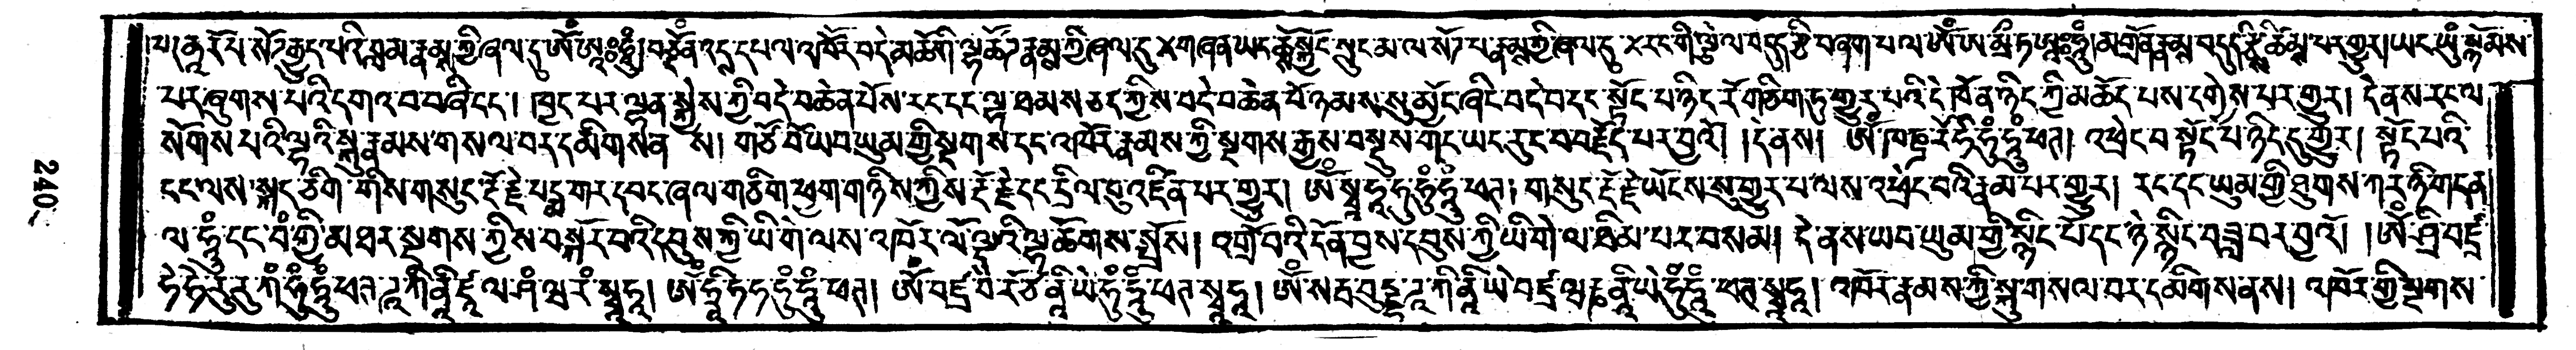པ། ནཱ་རོ་པ་སོཌ་རྒྱུད་པའི་བླ་མ་རྣམས་ཀྱི་ཞལ་དུ་ཨོཾ་ཨཱཿ ཧཱུཾ། བཅོཾ་དོན་འདས་དཔལ་འཁཽར་བདེ་མཆོག་གི་ལྷ་ཚོཌ་རྣམས་ཀྱི་ཞལ་དུ་྾་གཞན་ཡང་ཆོས་སྐྱོང་སྲུང་མ་ལ་སོཌ་པ་རྣམས་ཀྱི་ཞལ་དུ་྾་རང་གི་ལྕེ་ལ་བདུད་རྩི་བཞག་པ་ལ་ཨོཾ་ཨ་མྲྀ་ཏ་ཨཱཿ ཧཱུཾ། མགྲོན་རྣམས་བདུད་རྩིས་ཚིམས་པར་གྱུར། ཡང་ཡུཾ་སྙོམས་
པར་ཞུགས་པའི་དགའ་བ་བཞི་དང་། ཁྱད་པར་ལྷན་སྐྱེས་ཀྱི་བདེ་བ་ཆེན་པོས་རང་དང་ལྷ་ཐམས་ཅད་ཀྱིས་བདེ་བ་ཆེན་པོ་ཉམས་སུ་མྱོང་ཞིང་བདེ་བ་དང་སྟོང་པ་ཉིད་རོ་གཅིག་ཏུ་གྱུར་པའི་དེ་ཁོ་ན་ཉིད་ཀྱི་མཆོད་པས་དགྱེས་པར་གྱུར། དེ་ནས་རང་ལ་
སོགས་པའི་ལྷའི་སྐུ་རྣམས་གསལ་བར་དམིགས་ནས། གཙོ་བོ་ཡབ་ཡུམ་གྱི་སྔགས་དང་འཁོར་རྣམས་ཀྱི་སྔགས་རྒྱས་བསྡུས་གང་ཡང་རུང་བ་བརྗོད་པར་བྱའོ། །དེ་ནས། ཨོཾ་ཁཎྜ་རོ་ཧི་ཧཱུཾ་ཧཱུཾ་ཕཊ། འཕྲེང་བ་སྟོང་པ་ཉིད་དུ་གྱུར། སྟོང་པའི་
དང་ལས་སྐད་ཅིག་གིས་གསུང་རྡོ་རྗེ་པདམ་གར་དབང་ཞལ་གཅིག་ཕྱག་གཉིས་ཀྱིས་རྡོ་རྗེ་དང་དྲིལ་བུ་འཛིན་པར་གྱུར། ཨོཾ་སྭཱ་ཧཱ་ཧུ་ཧུཾ་ཧཱུཾ་ཕཊ། གསུང་རྡོ་རྗེ་ཡོངས་སུ་གྱུར་པ་ལས་འཕྲེང་བའི་རྣམ་པར་གྱུར། རང་དང་ཡུམ་གྱི་ཐུགས་ཀར་ཉི་གདན་
ལ་ཧཱུཾ་དང་བཾ་གྱི་མཐར་སྔགས་ཀྱིས་བསྐོར་བའི་དབུས་ཀྱི་ཡི་གེ་ལས་འཁོར་ལོ་ལྔའི་ལྷ་ཚོགས་སྤྲོས། འགྲོ་བའི་དོན་བྱས་དབུས་ཀྱི་ཡི་གེ་ལ་ཐིམ་པར་བསམ། དེ་ནས་ཡབ་ཡུམ་གྱི་སྙིང་པོ་དང་ཉེ་སྙིང་བཟླ་བར་བྱའོ། །ཨོཾ་ཤྲི་བཛྲ་
ཧེ་ཧེ་རུ་རུ་ཀཾ་ཧུཾ་ཧཱུཾ་ཕཊ་ཌཱ་ཀི་ནཱི་ཛཱ་ལ་ཤཾ་ཝ་རཾ་སྭཱཧཱ། ཨོཾ་ཧྲཱི་ཧ་ཧ་ཧུཾ་ཧཱུཾ་ཕཊ། ཨོཾ་བཛྲ་བཻ་རོ་ཙ་ནཱི་ཡེ་ཧུཾ་ཧཱུཾ་ཕཊ་སྭཱཧཱ། ཨོཾ་སརྦ་བུདྡྷ་ཌཱ་ཀི་ནཱི་ཡེ་བཛྲ་ཝརྞ་ནཱི་ཡེ་ཧུཾ་ཧཱུཾ་ཕཊ་སྭཱཧཱ། འཁོར་རྣམས་ཀྱི་སྐུ་གསལ་བར་དམིགས་ནས། འཁོར་གྱི་སྔགས་